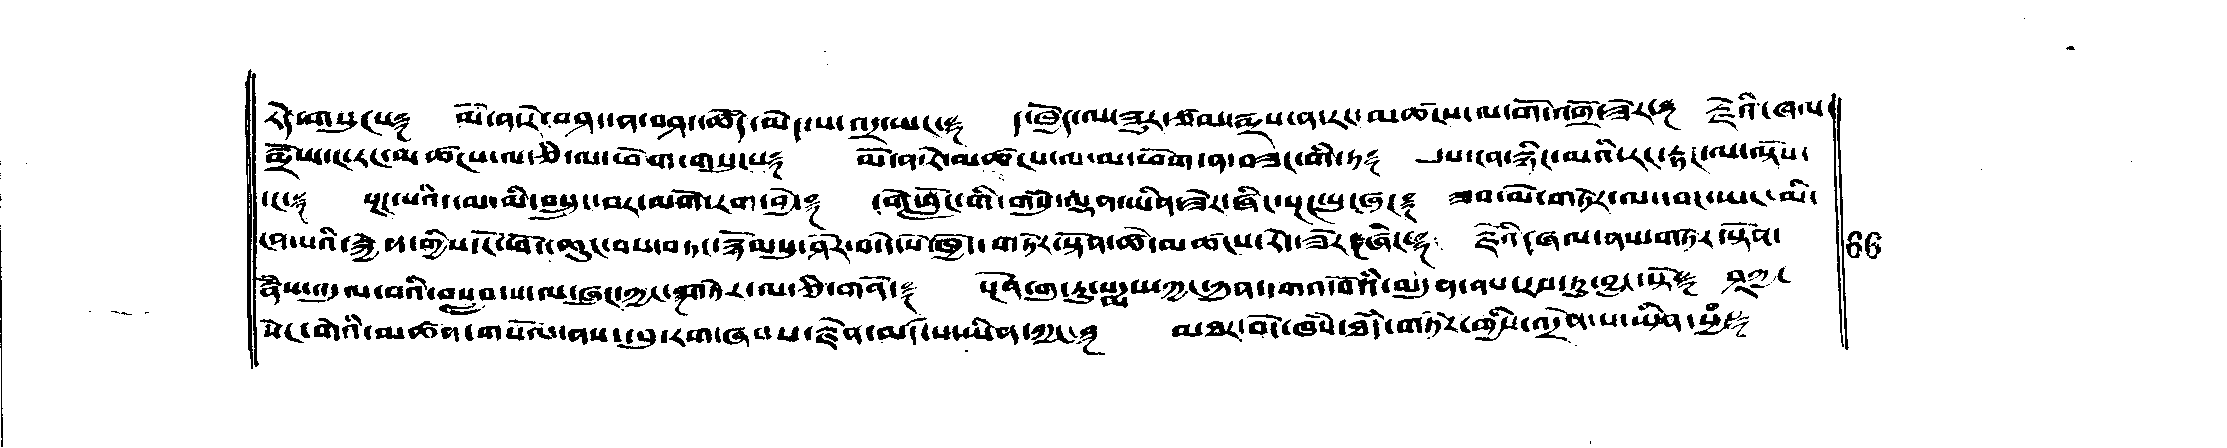རེད་གསུངས། མོ་ན་རེ་བཤད་ན་བཤད་ཚོད་མེད་པ་འདྲ་ཡང་། ད་ཁྱོད་ལ་ཟུར་ཙམ་སྨྲས་ན་རང་མཚང་ལ་གོ་འགྲོ་ཟེར། རྗེའི་ཞལ་
སྨྲོས་དང་རག་མཚང་ལ་ཅི་ལ་ཕོག་གསུངས། མོ་ན་རེ་མཚང་ལ་མ་ཕོག་ན་བཟང་གི་ཏ། དུས་ངན་སྙིགས་མའི་རང་རྟགས་ལ་ལྟོས་
དང་། སྔགས་པའི་དམ་མི་བསྲུང་བར་མགོ་རག་བྱད། དགེ་སློང་གི་གསུམ་ལྡན་ཡིན་ཟེར་ཞིང་སྔགས་སུ་ཞུགས། ཟབ་མོ་གཏེར་ལ་དབང་ཡང་མི་
ངན་པའི་རྐྱེན་གྱིས་ངོ་སོ་ཆུང་བས་བཏང་སྙོམས་སུ་ཤོར་བ་དེ་སོ་ཁྱོད་གཏེར་སྟོན་ཚོའི་མཚང་རེད་ཟེར་ཞིང་། རྗེའི་ཞལ་ནས་གཏེར་སྟོན་
རྣམས་འདུལ་བའི་བསླབ་པ་ལ་ཞུགས་ཀྱང་གཏེར་ལ་ཅི་གནོད། སྔོན་གུ་རུ་པདྨས་ཀྱང་ཀུན་དགའ་བོའི་མདུན་ནས་རབ་ཏུ་བྱུང་སྟེ། ཤཱཀྱ་
སེང་གེའི་མཚན་གསོལ་ནས་དབུ་རེག་ཞབས་རྗེན་མཛད་པ་ཡིན་ཀྱང་། མཐར་བོད་ཁམས་ཐམས་ཅད་གཏེར་གྱིས་འདྲེན་པ་ཡིན་གསུང་།